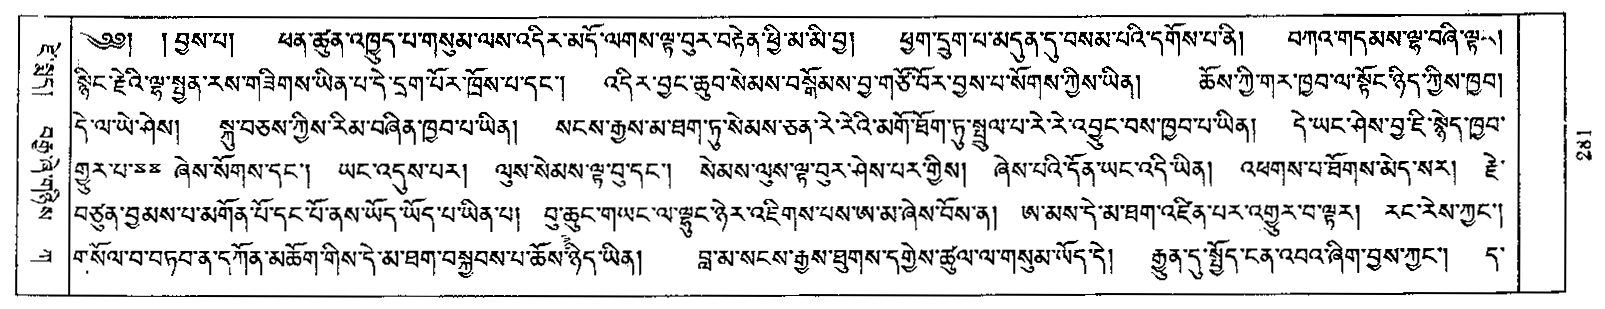༄༅། །བྱས་པ། ཕན་ཚུན་འཁྱུད་པ་གསུམ་ལས་འདིར་མདོ་ལགས་ལྟ་བུར་བརྟེན་ཕྱི་མ་མི་བྱ། ཕྱག་དྲུག་པ་མདུན་དུ་བསམ་པའི་དགོས་པ་ནི། བཀའ་གདམས་ལྷ་བཞི་ལྟར།
སྙིང་རྗེའི་ལྷ་སྤྱན་རས་གཟིགས་ཡིན་པ་དེ་དྲག་པོར་ཁྲོས་པ་དང་། འདིར་བྱང་ཆུབ་སེམས་བསྒོམས་བྱ་གཙོ་བོར་བྱས་པ་སོགས་ཀྱིས་ཡིན། ཆོས་ཀྱི་གར་ཁྱབ་ལ་སྟོང་ཉིད་ཀྱིས་ཁྱབ།
དེ་ལ་ཡེ་ཤེས། སྐུ་བཅས་ཀྱིས་རིམ་བཞིན་ཁྱབ་པ་ཡིན། སངས་རྒྱས་མ་ཐག་ཏུ་སེམས་ཅན་རེ་རེའི་མགོ་ཐོག་ཏུ་སྤྲུལ་པ་རེ་རེ་འབྱུང་བས་ཁྱབ་པ་ཡིན། དེ་ཡང་ཤེས་བྱ་ཇི་སྙེད་ཁྱབ་
གྱུར་པ་྾྾་ཞེས་སོགས་དང་། ཡང་འདུས་པར། ལུས་སེམས་ལྟ་བུ་དང་། སེམས་ལུས་ལྟ་བུར་ཤེས་པར་གྱིས། ཞེས་པའི་དོན་ཡང་འདི་ཡིན། འཕགས་པ་ཐོགས་མེད་སར། རྗེ་
བཙུན་བྱམས་པ་མགོན་པོ་དང་པོ་ནས་ཡོད་ཡོད་པ་ཡིན་པ། བུ་ཆུང་གཡང་ལ་ལྷུང་ཉེར་འཇིགས་པས་ཨ་མ་ཞེས་བོས་ན། ཨ་མས་དེ་མ་ཐག་འཛིན་པར་འགྱུར་བ་ལྟར། རང་རེས་ཀྱང་།
གསོལ་བ་བཏབ་ན་དཀོན་མཆོག་གིས་དེ་མ་ཐག་བསྐྱབས་པ་ཆོས་ཉིད་ཡིན། བླ་མ་སངས་རྒྱས་ཐུགས་དགྱེས་ཚུལ་ལ་གསུམ་ཡོད་དེ། རྒྱུན་དུ་སྤྱོད་ངན་འབའ་ཞིག་བྱས་ཀྱང་། ད་